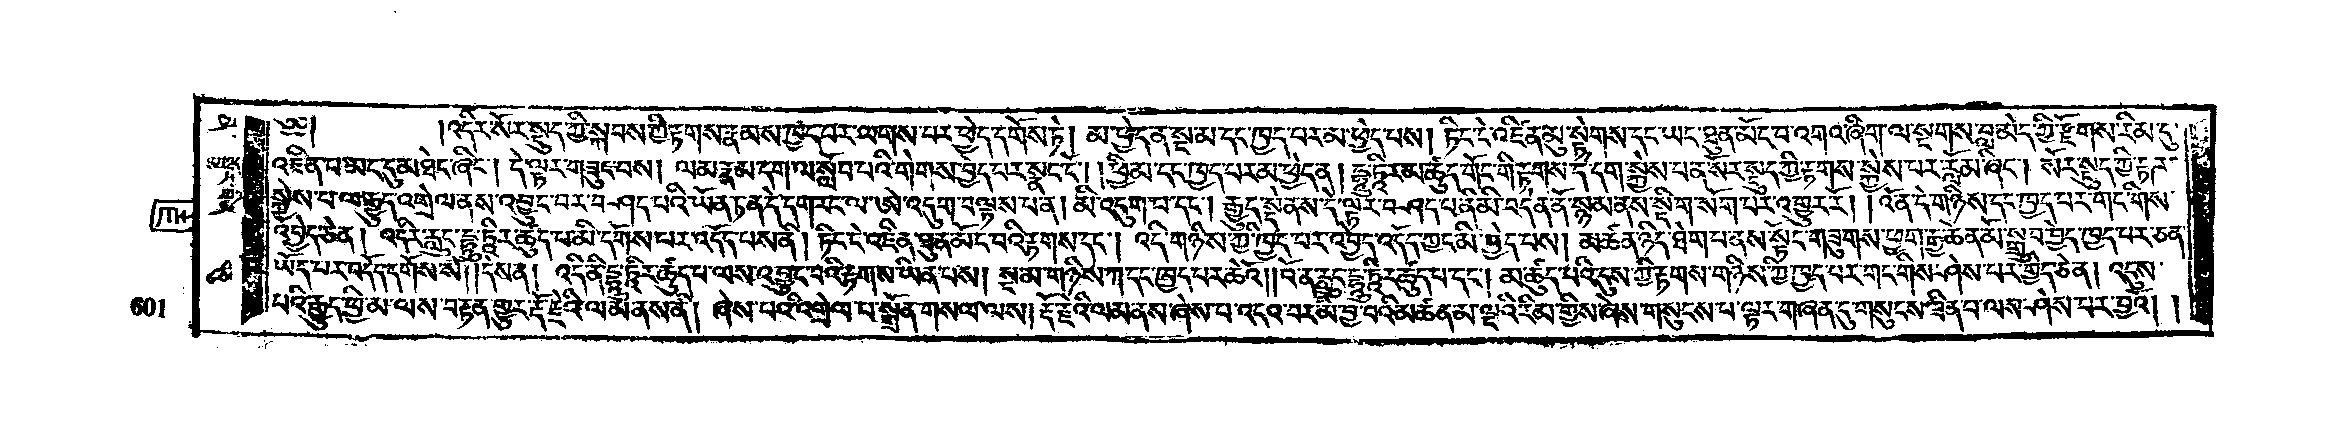༄༅། །འདིར་སོར་སྡུད་ཀྱི་སྐབས་ཀྱི་རྟགས་རྣམས་ཁྱད་པར་ལགས་པར་ཕྱེད་དགོས་ཏེ། མ་ཕྱེད་ན་སྔ་མ་དང་ཁྱད་པར་མ་ཕྱེད་པས། ཏིང་ངེ་འཛིན་མུ་སྟེགས་དང་ཡང་ཐུན་མོང་བ་འགའ་ཞིག་ལ་སྔགས་བླ་མེད་ཀྱི་རྫོགས་རིམ་དུ་
འཛིན་པ་མང་དུ་མཐོང་ཞིང་། དེ་ལྟར་གཟུང་བས། ལམ་རྣམ་དག་ལ་སློབ་པའི་གེགས་བྱེད་པར་སྣང་ངོ། །ཕྱི་མ་དང་ཁྱད་པར་མ་ཕྱེད་ན། དྷཱུ་ཏཱིར་མ་ཚུད་གོང་གི་རྟགས་དེ་དག་སྐྱེས་པ་ན་སོར་སྡུད་ཀྱི་རྟགས་སྐྱེས་པར་རློམ་ཞིང་། སོར་སྡུད་ཀྱི་རྟགས་
སྐྱེས་པ་ལ་རྒྱུད་འགྲེལ་ནས་འབྱུང་བར་བཤད་པའི་ཡོན་ཏན་དེ་དག་རང་ལ་ཨེ་འདུག་བལྟས་པ་ན། མི་འདུག་པ་དང་། རྒྱུད་སྡེ་ནས་དེ་ལྟར་བཤད་པ་ནི་མི་བདེན་ནོ་སྙམ་ནས་སྡིག་སོགས་པར་འགྱུར་རོ། །འོ་ན་དེ་གཉིས་དང་ཁྱད་པར་གང་གིས་
འབྱེད་ཅེ་ན། འདིར་རླུང་དྷཱུ་ཏཱིར་ཚུད་པ་མི་དགོས་པར་འདོད་པས་ནི། ཏིང་ངེ་འཛིན་ཐུན་མོང་བའི་རྟགས་དང་། འདི་གཉིས་ཀྱི་ཁྱད་པར་འབྱེད་འདོད་ཀྱང་མི་ཕྱེད་པས། མཚན་ཉིད་ཐེག་པ་ནས་སྟོང་གཟུགས་ཕྱག་རྒྱ་ཆེན་མོ་སྒྲུབ་བྱེད་ཁྱད་པར་ཅན་
ཡོད་པར་འདོད་དགོས་སོ། །དེས་ན། འདི་ནི་དྷཱུ་ཏཱིར་ཚུད་པ་ལས་འབྱུང་བའི་རྟགས་ཡིན་པས། སྔ་མ་གཉིས་ཀ་དང་ཁྱད་པར་ཆེའོ། །འོ་ན་རླུང་དྷཱུ་ཏཱིར་ཚུད་པ་དང་། མ་ཚུད་པའི་དུས་ཀྱི་རྟགས་གཉིས་ཀྱི་ཁྱད་པར་གང་གིས་ཤེས་པར་བྱེད་ཅེ་ན། འདུས་
པའི་རྒྱུད་ཕྱི་མ་ལས་བརྟན་གྱུར་རྡོ་རྗེའི་ལམ་ནས་ནི། ཞེས་པའི་འགྲེལ་པ་སྒྲོན་གསལ་ལས། རྡོ་རྗེའི་ལམ་ནས་ཞེས་པ་འདའ་བར་མི་བྱ་བའི་མཚན་མ་ལྔའི་རིམ་གྱིས་ཞེས་གསུངས་པ་ལྟར་གཞན་དུ་གསུངས་ཟིན་པ་ལས་ཤེས་པར་བྱའོ། །